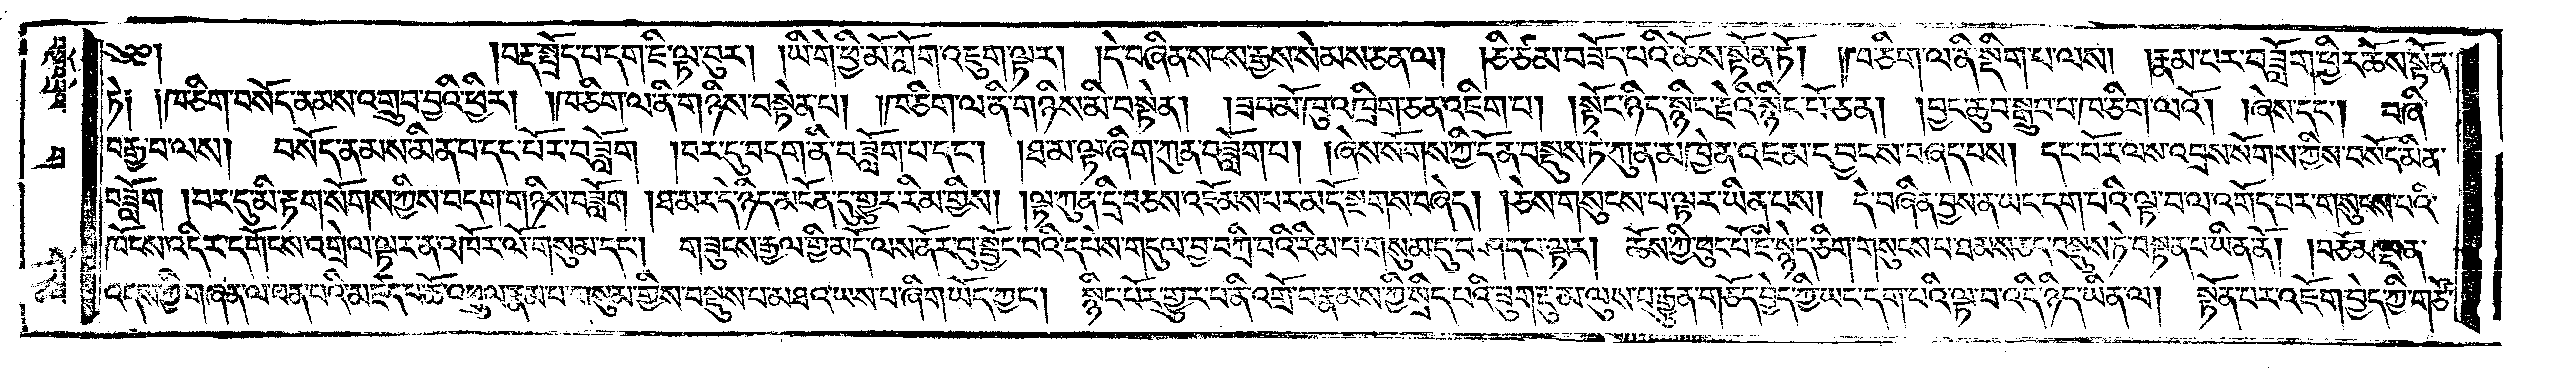༄༅། །བརྡ་སྤྲོད་པ་དག་ཇི་ལྟ་བུར། །ཡི་གེ་ཕྱི་མོ་ཀློག་འཇུག་ལྟར། །དེ་བཞིན་སངས་རྒྱས་སེམས་ཅན་ལ། །ཅི་ཙམ་བཟོད་པའི་ཆོས་སྟོན་ཏོ། །ཁ་ཅིག་ལ་ནི་སྡིག་པ་ལས། །རྣམ་པར་བཟློག་ཕྱིར་ཆོས་སྟོན་
ཏེ། །ཁ་ཅིག་བསོད་ནམས་འགྲུབ་བྱའི་ཕྱིར། །ཁ་ཅིག་ལ་ནི་གཉིས་བསྟེན་པ། །ཁ་ཅིག་ལ་ནི་གཉིས་མི་བསྟེན། །ཟབ་མོ་ཁུ་འཁྲིག་ཅན་འཇིག་པ། །སྟོང་ཉིད་སྙིང་རྗེའི་སྙིང་པོ་ཅན། །བྱང་ཆུབ་སྒྲུབ་པ་ཁ་ཅིག་ལའོ། །ཞེས་དང་། བཞི་
བརྒྱ་བ་ལས། བསོད་ནམས་མིན་པ་དང་པོར་བཟློག །བར་དུ་བདག་ནི་བཟློག་པ་དང་། །ཐ་མ་ལྟ་ཞིག་ཀུན་བཟློག་པ། །ཞེས་སོགས་ཀྱི་དོན་བསྡུས་ཏེ་ཀུན་མཁྱེན་འཇམ་དབྱངས་བཞད་པས། དང་པོར་ལས་འབྲས་སོགས་ཀྱིས་བསོད་མིན་
བཟློག །བར་དུ་མི་རྟག་སོགས་ཀྱིས་བདག་གཉིས་བཟློག །ཐ་མར་དེ་ཉིད་མངོན་དུ་གྱུར་རིམ་གྱིས། །ལྟ་ཀུན་དྲི་བཅས་འཇོམས་པར་མདོ་སྔགས་བཞེད། །ཅེས་གསུངས་པ་ལྟར་ཡིན་པས། དེ་བཞིན་བྱས་ན་ཡང་དག་པའི་ལྟ་བ་ལ་འགོད་པར་གསུངས་པའི་
ཁོངས་འདིར་དགོངས་འགྲེལ་ལྟར་ན་འཁོར་ལོ་གསུམ་དང་། གཟུགས་རྒྱལ་གྱི་མདོ་ལས་ནོར་བུ་སྦྱོང་བའི་དབེས་གདུལ་བྱ་བཀྲི་བའི་རིམ་པ་གསུམ་དུ་བཤད་པ་ལྟར། ཆོས་ཀྱི་ཕུང་པོ་ཇི་སྙེད་ཅིག་གསུངས་པ་ཐམས་ཅད་བརྫུས་ཏེ་བསྟན་པ་ཡིན་ནོ། །བཅོམ་ལྡན་
འདས་ཀྱི་གཞན་ལ་ཕན་པའི་མཛད་པ་ཆོ་འཕྲུལ་རྣམས་པ་གསུམ་གྱིས་བསྡུས་པ་མཐའ་ཡས་པ་ཞིག་ཡོད་ཀྱང་། སྙིང་པོར་གྱུར་བ་ནི་འགྲོ་བ་རྣམས་ཀྱི་སྲིད་པའི་ཟུག་རྡུམ་ལུས་པ་རྒྱུན་གཅོད་བྱེད་ཀྱི་ཡང་དག་པའི་ལྟ་བ་འདི་ཉིད་ཡིན་ལ། སྟོན་པར་འཇོག་བྱེད་ཀྱི་གཙོ་